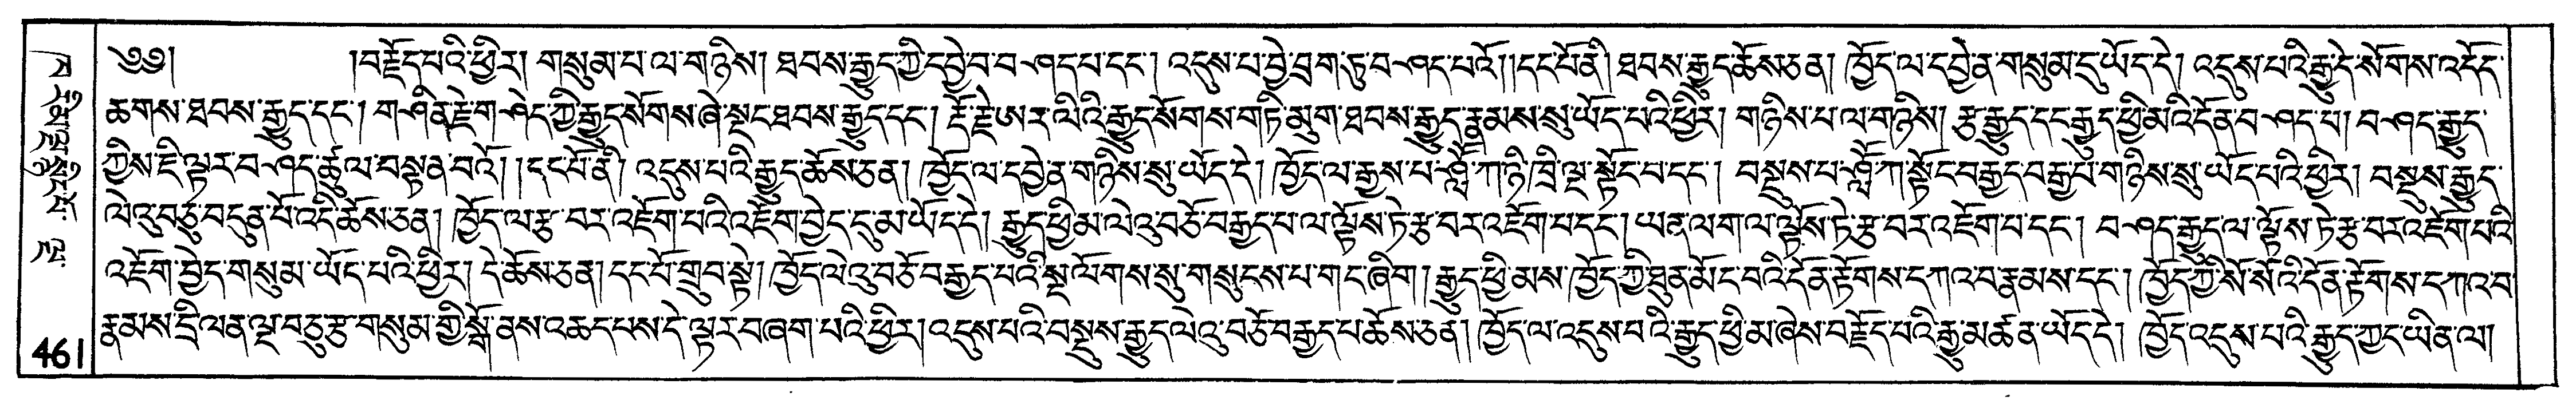༄༅། །བརྗོད་པའི་ཕྱིར། གསུམ་པ་ལ་གཉིས། ཐབས་རྒྱུད་ཀྱི་དབྱེ་བ་བཤད་པ་དང་། འདུས་པ་བྱེ་བྲག་ཏུ་བཤད་པའོ། །དང་པོ་ནི། ཐབས་རྒྱུད་ཆོས་ཅན། ཁྱོད་ལ་དབྱེ་ན་གསུམ་དུ་ཡོད་དེ། འདུས་པའི་རྒྱུ་དེ་སོགས་འདོད་
ཆགས་ཐབས་རྒྱུད་དང་། གཤིན་རྗེ་གཤེད་ཀྱི་རྒྱུད་སོགས་ཞེ་སྡང་ཐབས་རྒྱུད་དང་། རྡོ་རྗེ་ཨར་ལིའི་རྒྱུད་སོགས་གཏི་མུག་ཐབས་རྒྱུད་རྣམས་སུ་ཡོད་པའི་ཕྱིར། གཉིས་པ་ལ་གཉིས། རྩ་རྒྱུད་དང་རྒྱུད་ཕྱི་མའི་དོན་བཤད་པ། བཤད་རྒྱུད་
ཀྱིས་ཇི་ལྟར་བཤད་ཚུལ་བསྟན་བའོ། །དང་པོ་ནི། འདུས་པའི་རྒྱུད་ཆོས་ཅན། ཁྱོད་ལ་དབྱེ་ན་གཉིས་སུ་ཡོད་དེ། ཁྱོད་ལ་རྒྱས་པ་ཤླཽ་ཀ་ཉི་ཁྲི་ལྔ་སྟོང་པ་དང་། བསྡུས་པ་ཤླཽ་ཀ་སྟོང་བརྒྱད་བརྒྱ་པ་གཉིས་སུ་ཡོད་པའི་ཕྱིར། བསྡུས་རྒྱུད་
ལེའུ་བཅུ་བདུན་པོ་འདི་ཆོས་ཅན། ཁྱོད་ལ་རྩ་བར་འཇོག་པའི་འཇོག་བྱེད་དུ་མ་ཡོད་དེ། རྒྱུད་ཕྱི་མ་ལེའུ་བཅོ་བརྒྱད་པ་ལ་ལྟོས་ཏེ་རྩ་བར་འཇོག་པ་དང་། ཡན་ལག་ལ་ལྟོས་ཏེ་རྩ་བར་འཇོག་པ་དང་། བཤད་རྒྱུད་ལ་ལྟོས་ཏེ་རྩ་བར་འཇོག་པའི་
འཇོག་བྱེད་གསུམ་ཡོད་པའི་ཕྱིར། དེ་ཆོས་ཅན། དང་པོ་གྲུབ་སྟེ། ཁྱོད་ལེའུ་བཅོ་བརྒྱད་པའི་སྔ་ལོགས་སུ་གསུངས་པ་གང་ཞིག །རྒྱུད་ཕྱི་མས་ཁྱོད་ཀྱི་ཐུན་མོང་བའི་དོན་རྟོགས་དཀའ་བ་རྣམས་དང་། ཁྱོད་ཀྱི་སོ་སོའི་དོན་རྟོགས་དཀའ་བ་
རྣམས་དྲི་ལན་ལྔ་བཅུ་རྩ་གསུམ་གྱི་སྒོ་ནས་འཆད་པས་དེ་ལྟར་བཞག་པའི་ཕྱིར། འདུས་པའི་བསྡུས་རྒྱུད་ལེའུ་བཅོ་བརྒྱད་པ་ཆོས་ཅན། ཁྱོད་ལ་འདུས་པའི་རྒྱུད་ཕྱི་མ་ཞེས་བརྗོད་པའི་རྒྱུ་མཚན་ཡོད་དེ། ཁྱོད་འདུས་པའི་རྒྱུད་ཀྱང་ཡིན་ལ།